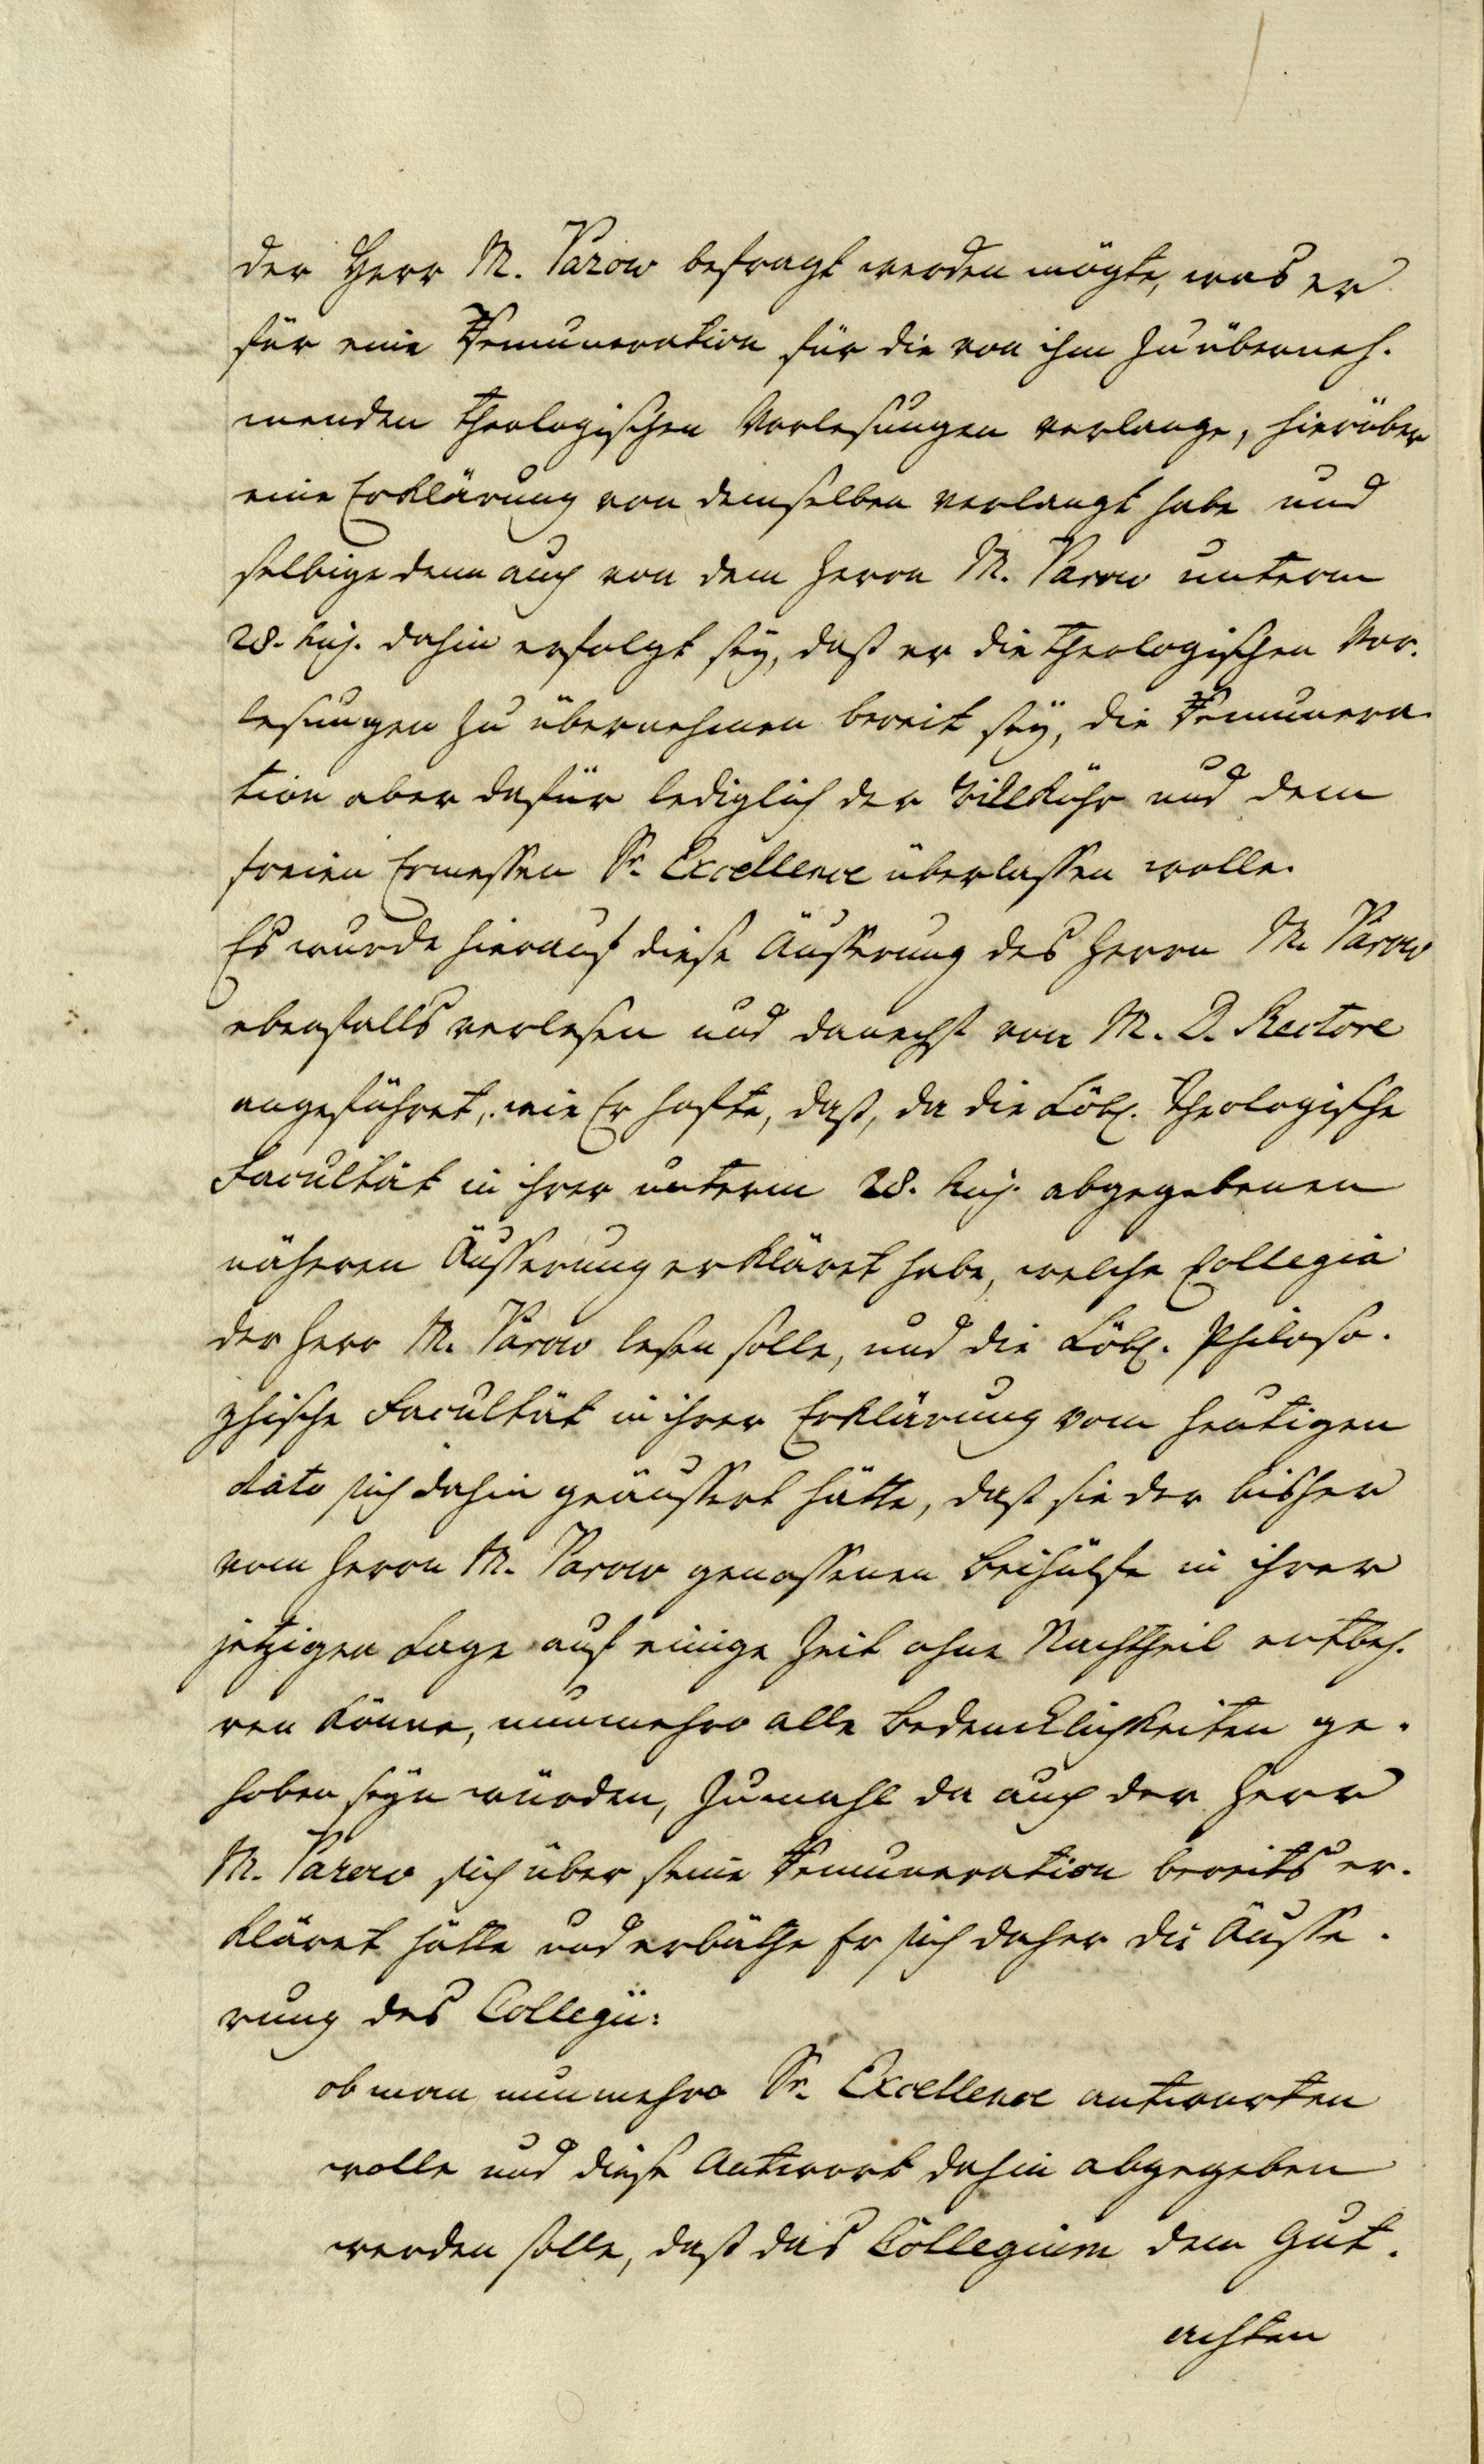der Herr M. Parow befragt werden mögte, was er
für eine Remuneration für die von ihm zu überneh¬
menden theologischen Vorlesungen verlange, hierüber
eine Erklärung von demselben verlangt habe und
selbige den auch von dem Herrn M. Parow unterm
28 huj. dahin erfolgt seÿ, daß er die theologischen Vor¬
lesungen zu übernehmen bereit seÿ, die Remunera¬
tion aber dafür lediglich der Willkühr und dem
freien Ermessen Sr Excellence überlassen wolle.
Es wurde hierauf diese Äusserung des Herrn M. Parow
ebenfalls verlesen und danechst von M. D. Rectore
angeführet, wie Er hofte, daß, da die Löbl. Theologische
Facultät in ihrer unterm 28. huj. abgegebenen
näheren Äusserung erkläret habe, welche Collegia
der Herr M. Parow lesen solle, und die Löbl. Philoso¬
phische Facultät in ihrer Erklärung vom heutigen
dato sich dahin geäussert hätte, daß sie der bisher
vom Herrn M. Turow genossenen Beihülfe in ihrer
jetzigen Lage auf einige Zeit ohne Nachtheil entbeh¬
ren könne, nunmehro alle Bedencklichkeiten ge¬
hoben seÿn würden, zumahl da auch der Herr
M. Parow sich über seine Remuneration bereits er¬
kläret hätte und erbäthe Er sich daher die Äusse¬
rung des Collegii:
ob man nunmehro Sr Excellence antworten
wolle und diese Antwort dahin abgegeben
werden solle, daß das Collegium dem Gut¬
achten